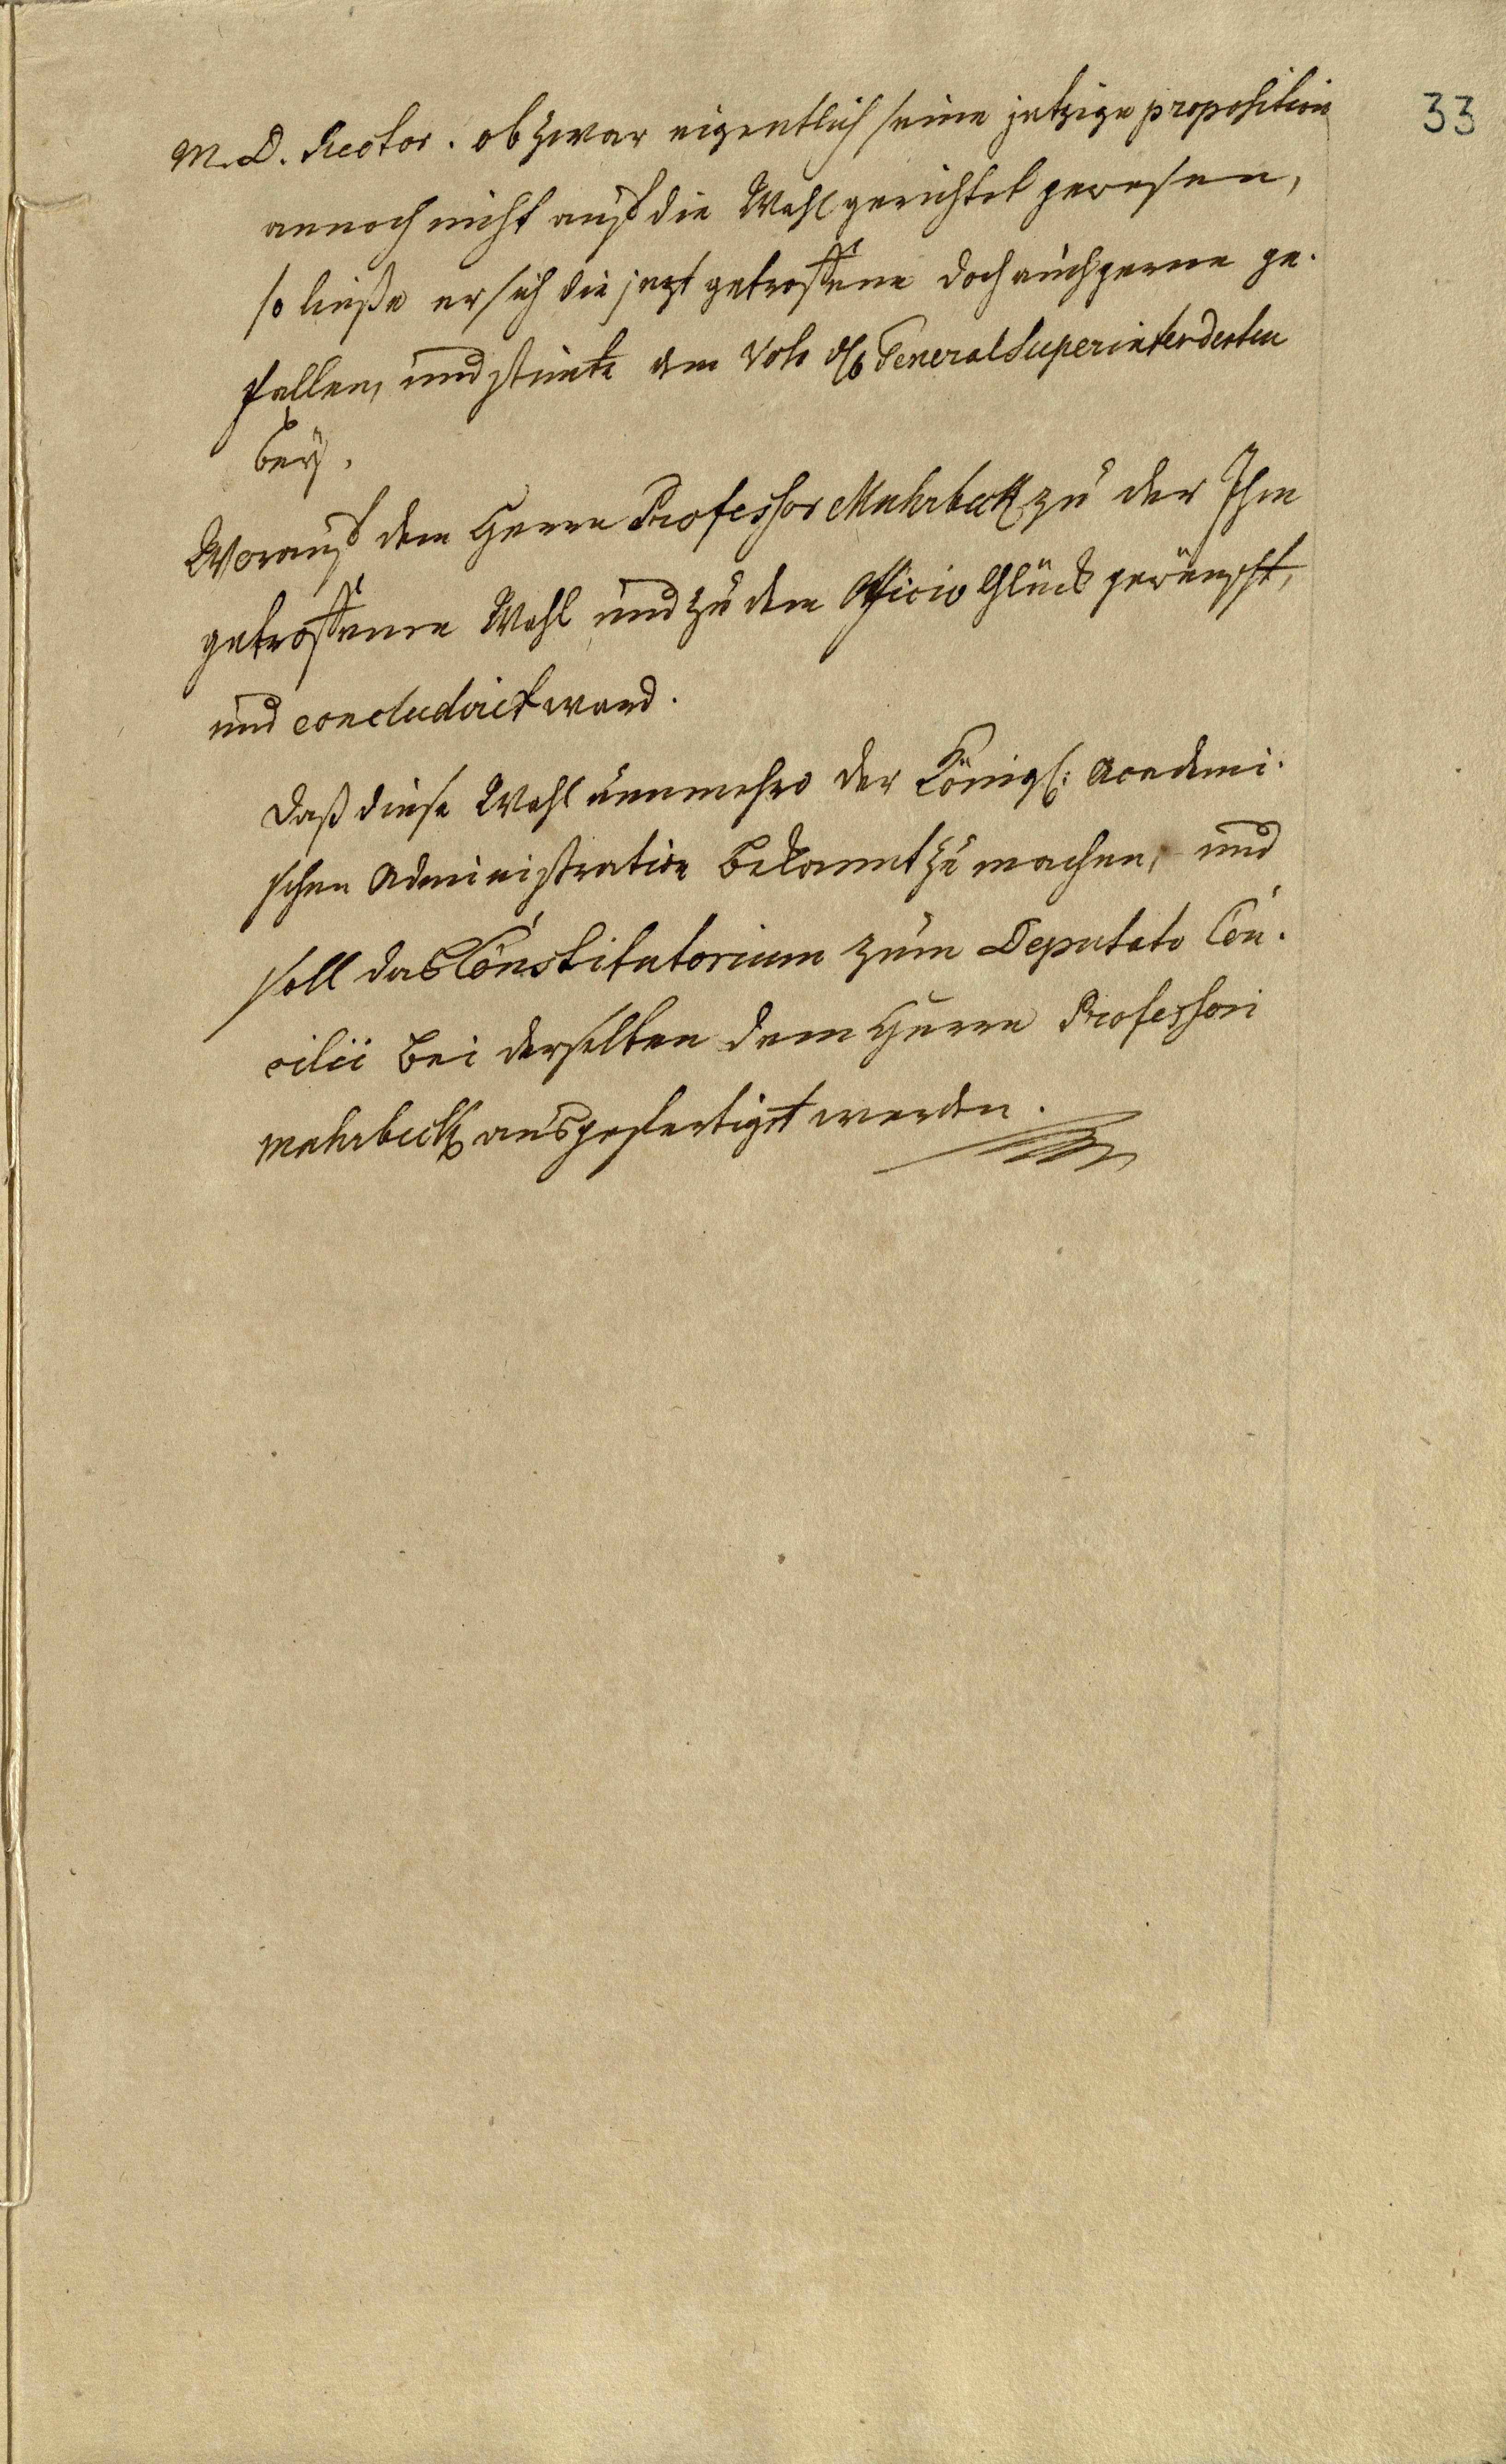M. D. Rector. ob zwar eigentlich seine jetzige proposition
annoch nicht auf die Wahl gerichtet gewesen,
so ließe er sich die jezt getroffene doch auch gerne ge¬
fallen, und stimte dem voto dh GeneralSuperintendenten
beÿ.
Worauf dem Herrn Professor Muhrbeck zu der Ihm
getroffenen Wahl und zu dem officio Glück gewünscht.
und concludiret ward.
Daß diese Wahl nunmehro der Königl. Academi¬
schen Administration bekannt zu machen, und
soll das Constitutorium zum Deputato Con¬
cilii bei derselben dem Herrn Professori
Muhrbeck ausgefertiget werden.
???